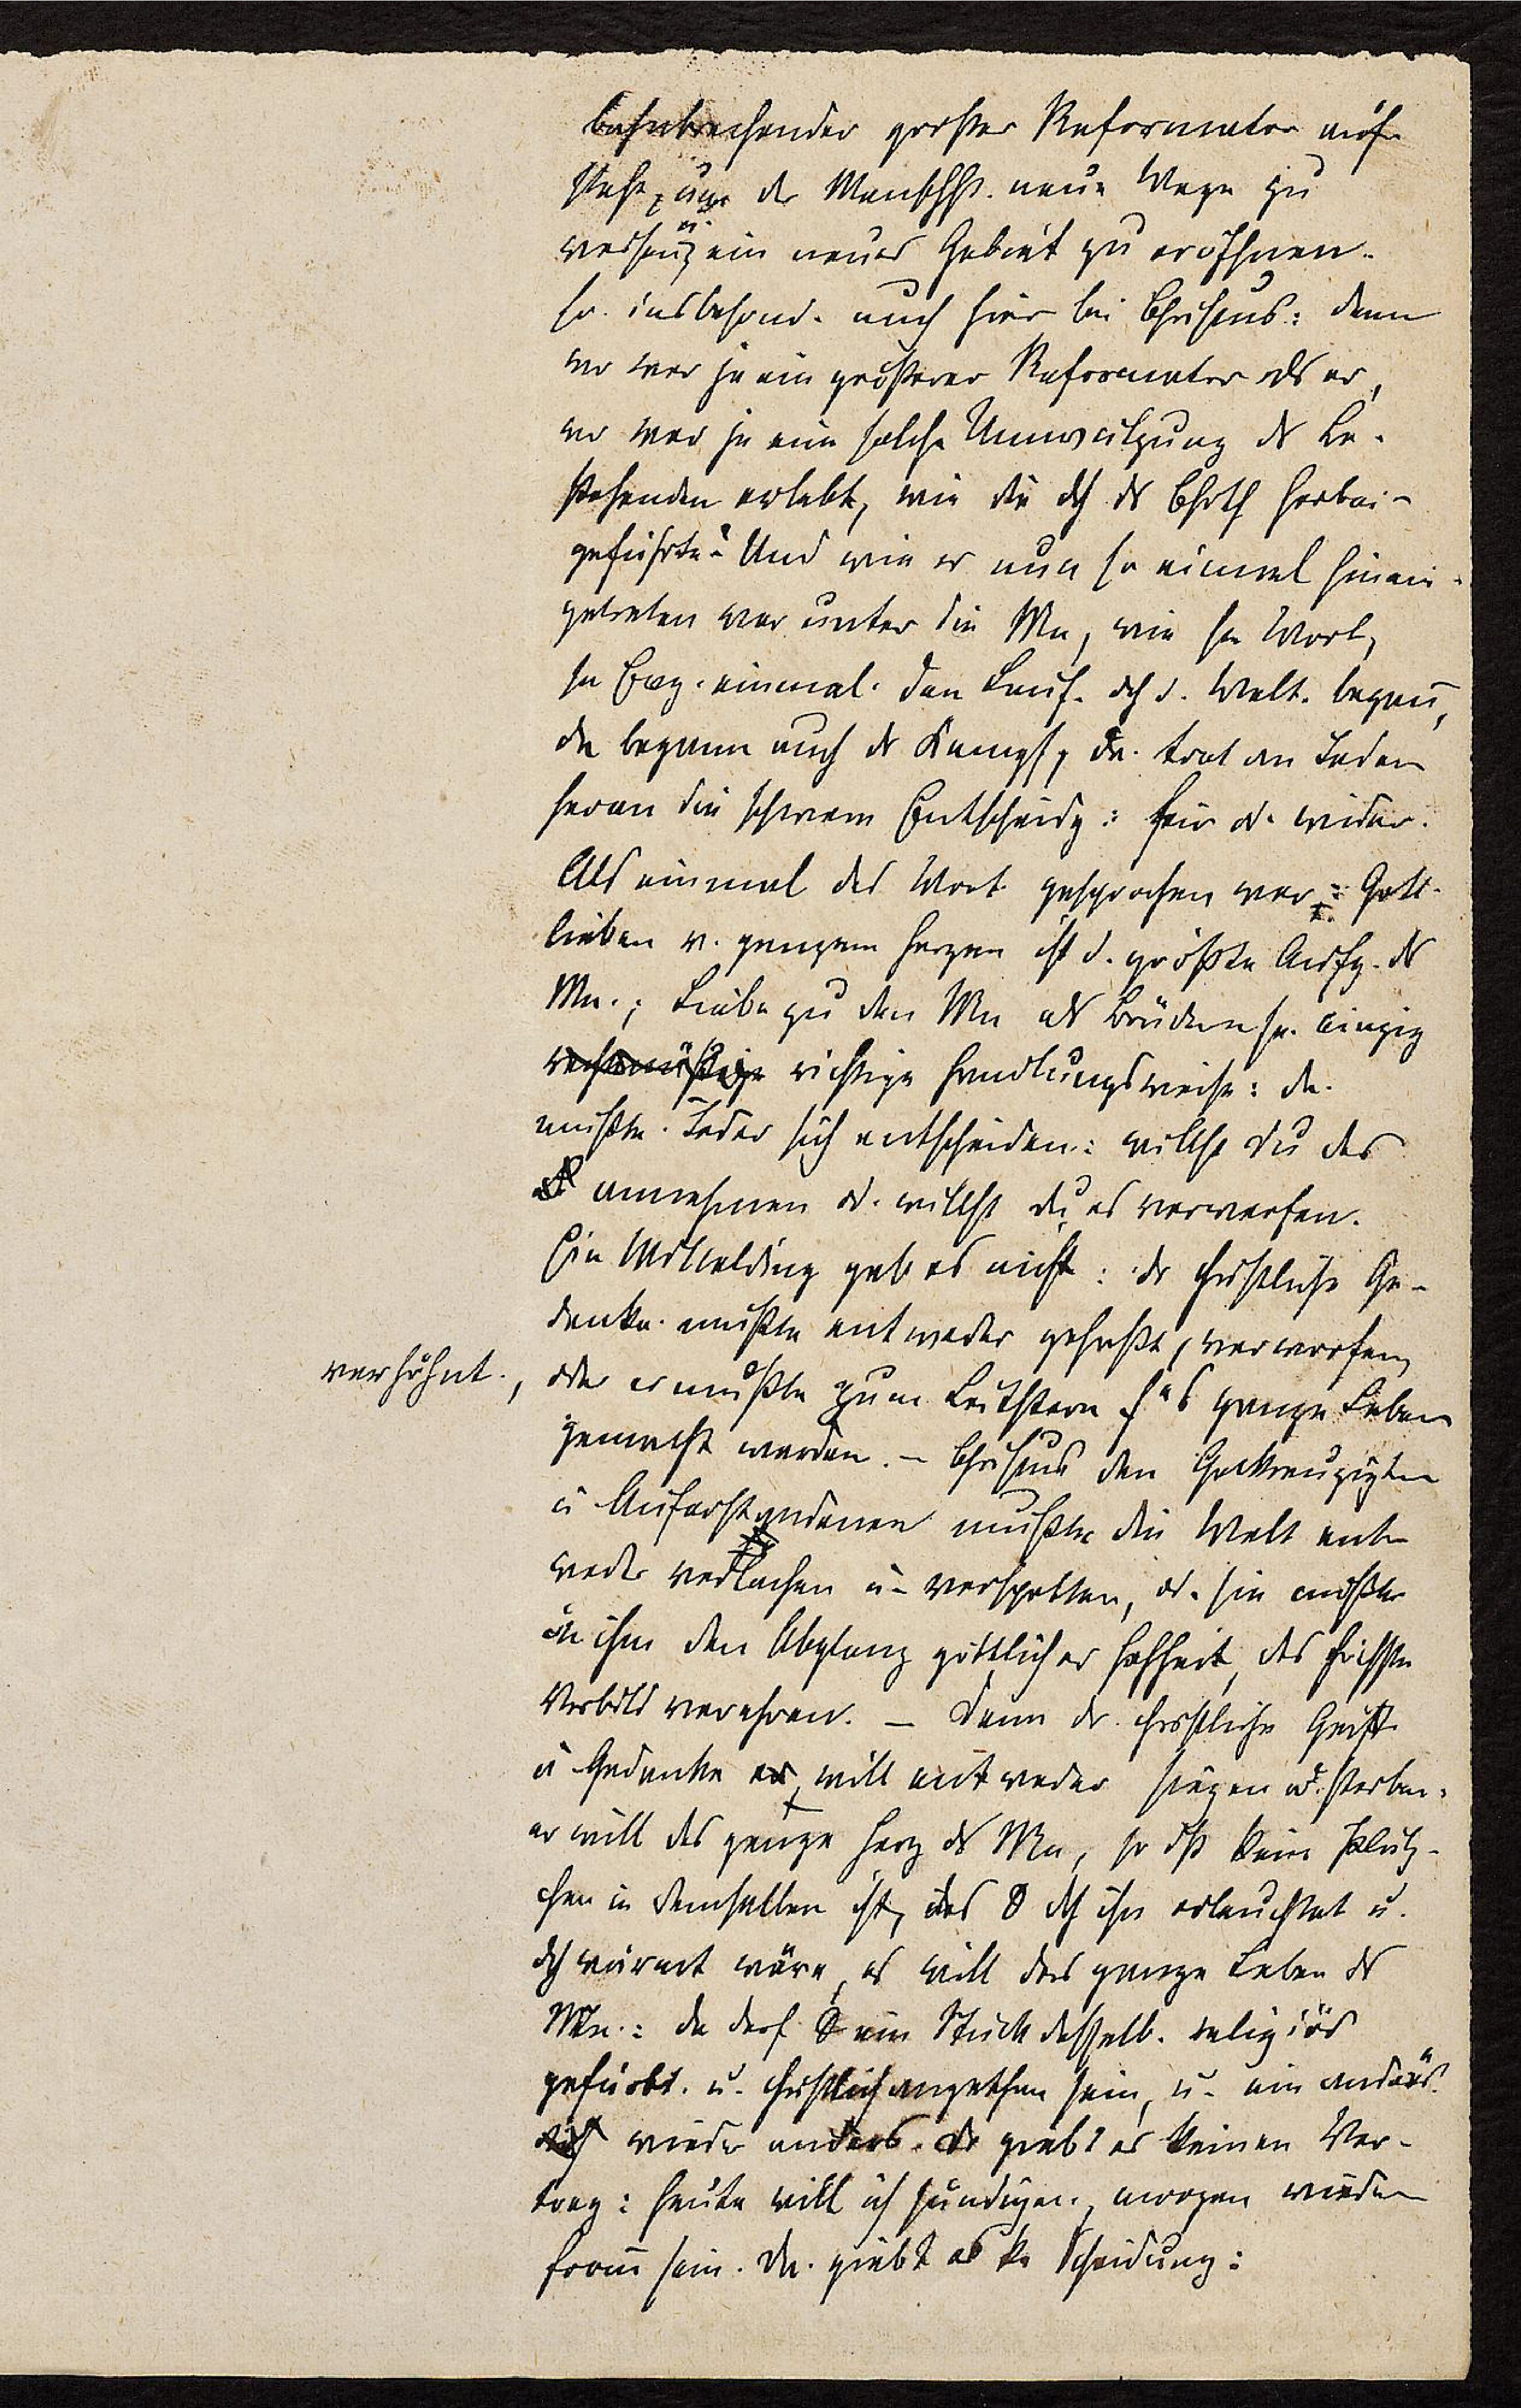verhöhnt.
bahnbrechender größter Reformator auf¬
steht, um dr Menschht. neue Wege zu
weisen, ein neues Gebiet zu eröffnen
so insbesond. auch hier bei Christus: denn
wo war je ein größerer Reformator als er,
wo war je eine solche Umwälzung ds be¬
stehenden erlebt, wie die dch ds Chrth herbei¬
geführte! Und wie er nun so einmal hinein¬
getreten war unter die Mn, wie sn Wort,
sn Evg. einmal den Lauf dch d. Welt. began,
da begann auch dr Kampf, da trat an Jeden
heran die schwere Entscheidg: für od. wider
Als einmal das Wort gesprochen war: Gott
lieben v. ganzem Herzen ist d. größte Aufg. ds
Mn., Liebe zu den Mn als Brüdern sn einzig
rechtmäßige richtige Handlungsweise: da
mußte Jeder sich entscheiden: willst du das
L annehmen od. willst du es verwerfen.
Ein Mittelding gab es nicht: dr christliche Ge¬
danke mußte entweder gefaßt, verworfen,
oder er mußte zum Leitstern füs ganze Leben
gemacht werden. - Christus den Gekreuzigten
u. Auferstandenen mußte die Welt ent¬
weder verlachen u verspotten, od. sie mußte
an ihm den Abglanz göttlicher Hohheit, ds höchste
Vorbild verehren. _ Denn dr. christliche Geist
u Gedanke er will entweder siegen od. sterben,
er will das ganze Herz ds Mn, so dß kein Plätz¬
chen in demselben ist, das o dch ihn erleuchtet u
dchwärmt wäre, es will das ganze Leben ds
Mn.: da doarf o ein Stück desselb. religiös
gefärbt u. christlich angethan sein, u. ein anders
wieder anderes. Da giebt es keinen Ver¬
trag: heute will ich sündigen, morgen wieder
from sein. Da giebt es kn Scheidung: